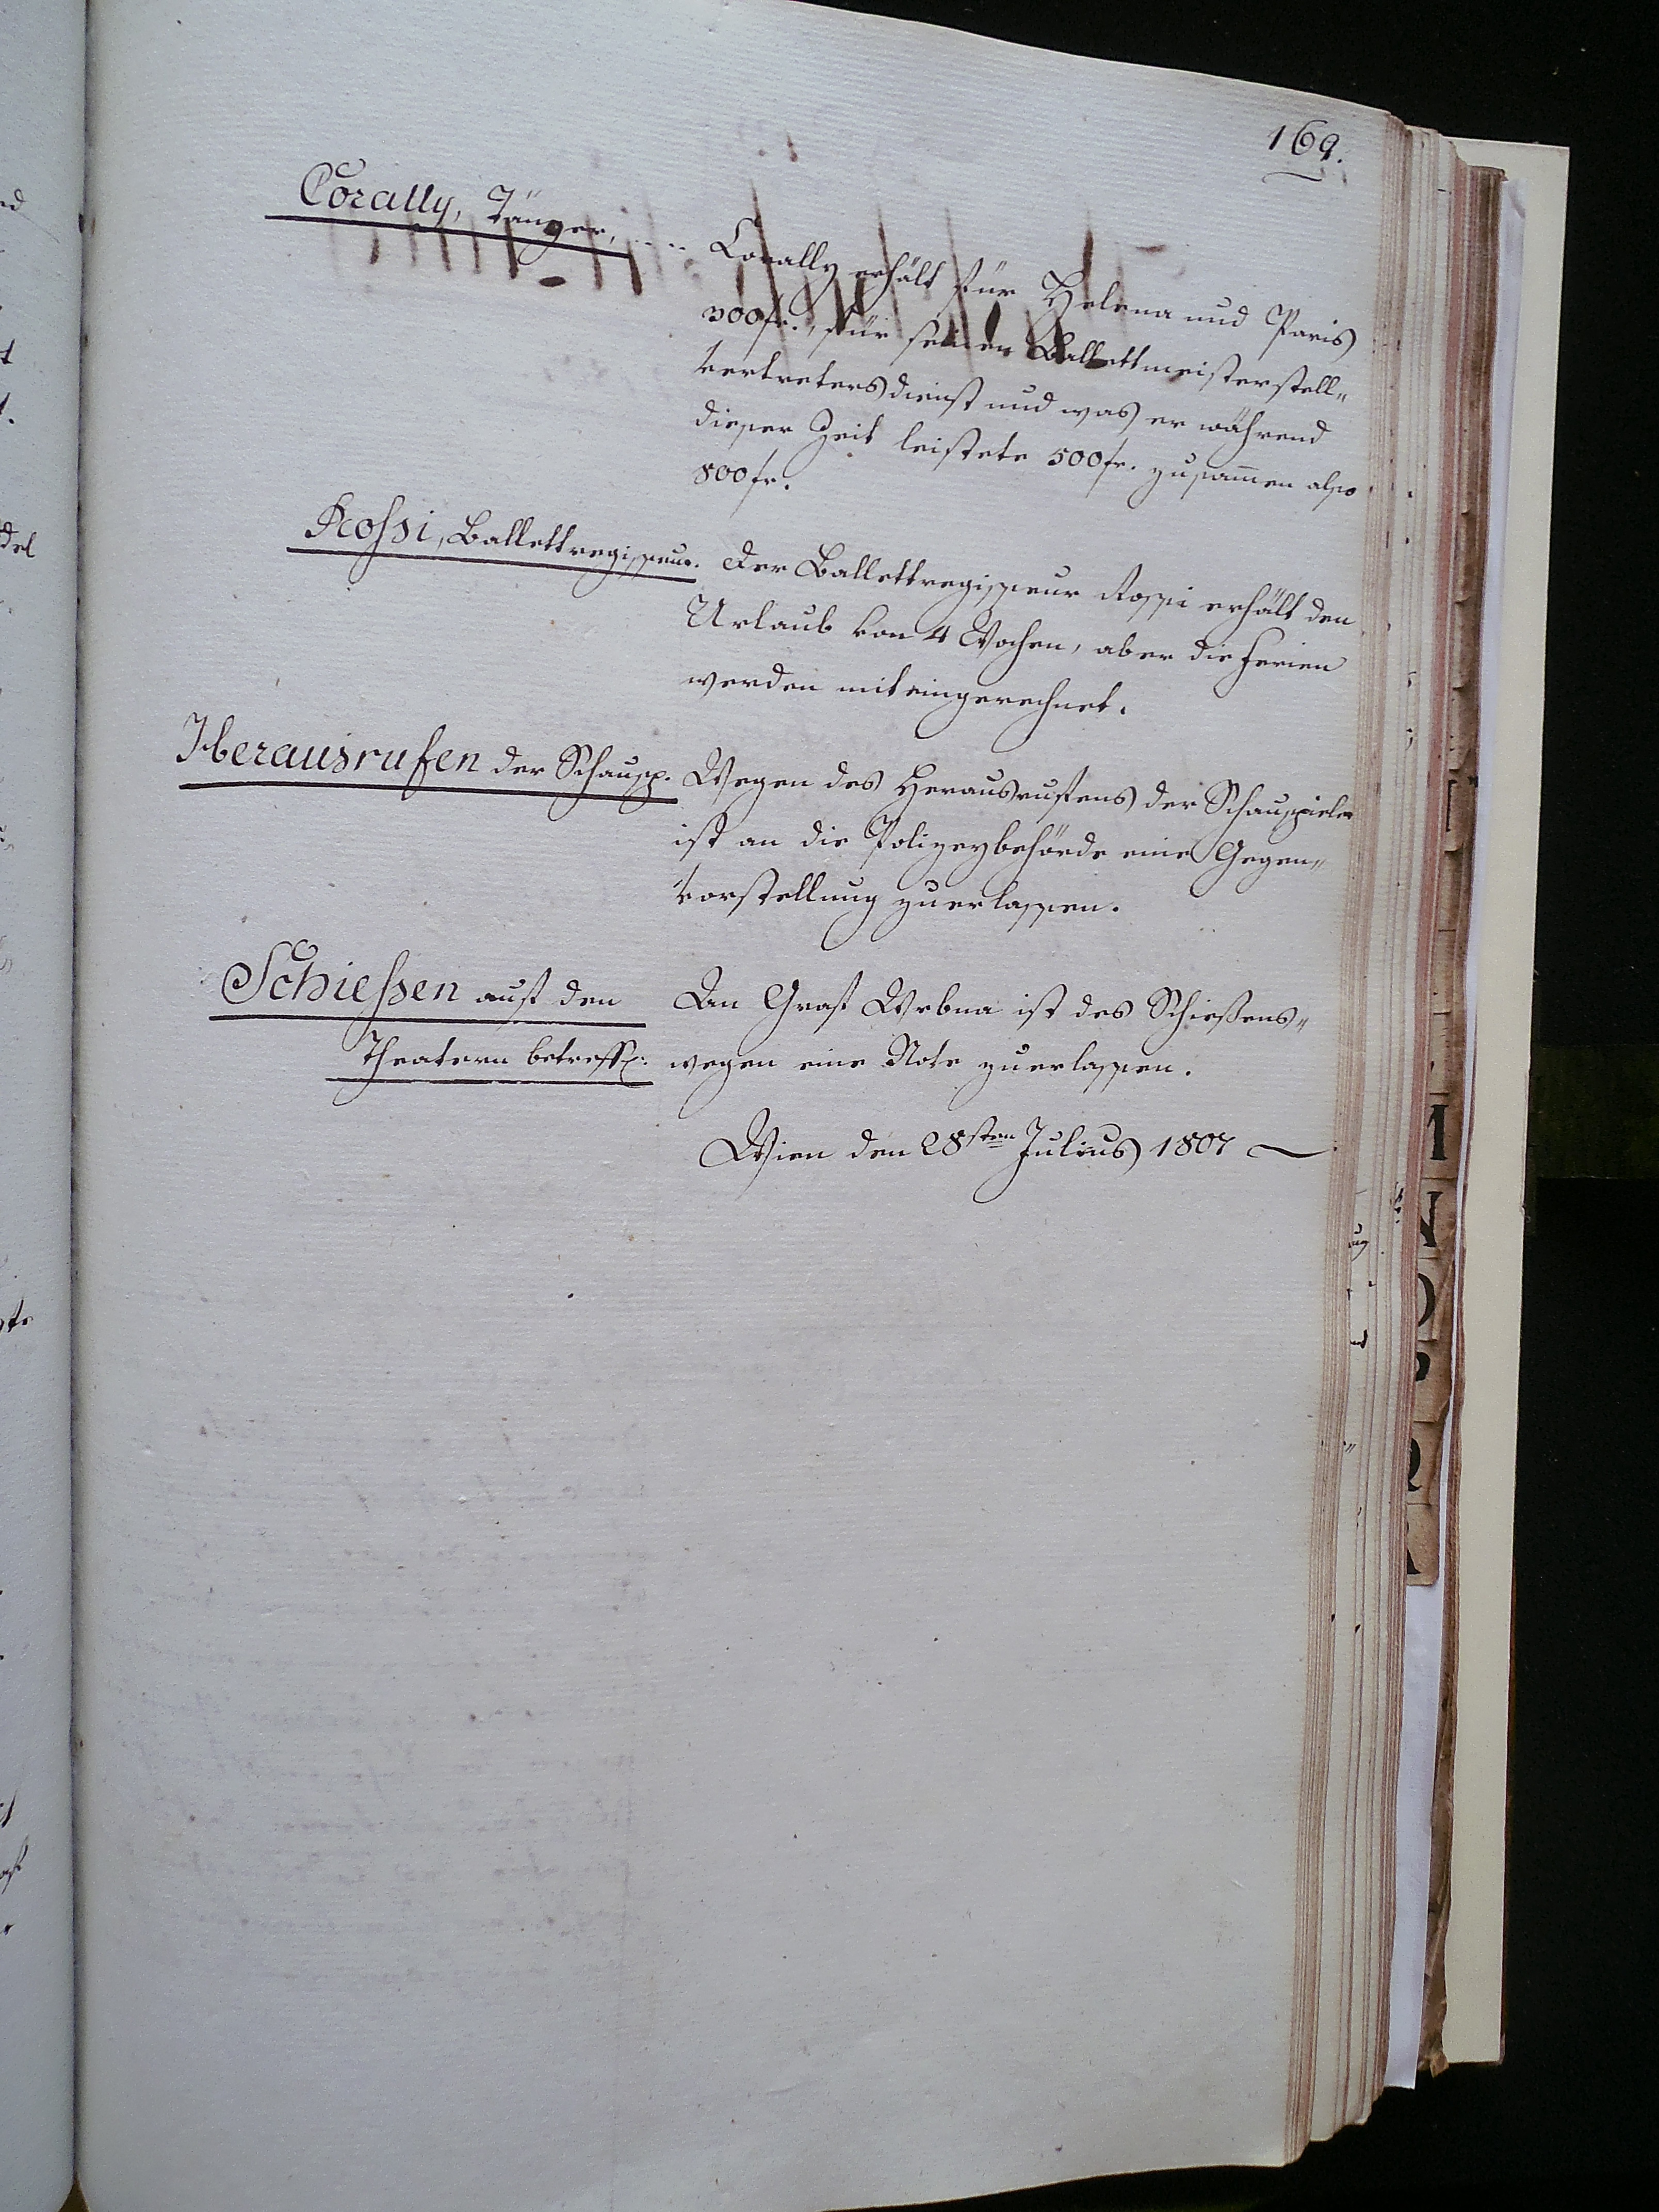169.
Corally, Tänzer, .. .. Corally erhält für Helena und Paris
300fr., für seinen Ballettmeisterstell¬
vertretersdienst und was er während
dieser Zeit leistete 500fr. zusam̅en also
800fr.
Rossi, Ballettregisseur. Der Ballettregisseur Rossi erhält den
Urlaub von 4 Wochen, aber die Ferien
werden miteingerechnet.
Herausrufen der Schausp. Wegen des Herausrufens der Schauspieler
ist an die Polizeybehörde eine Gegen¬
vorstellung zuerlassen.
Schiessen auf den
Theatern betreff:
An Graf Wrbna ist des Schießens,
wegen eine Note zuerlassen.
Wien den 28ste͇n Julius 1807.